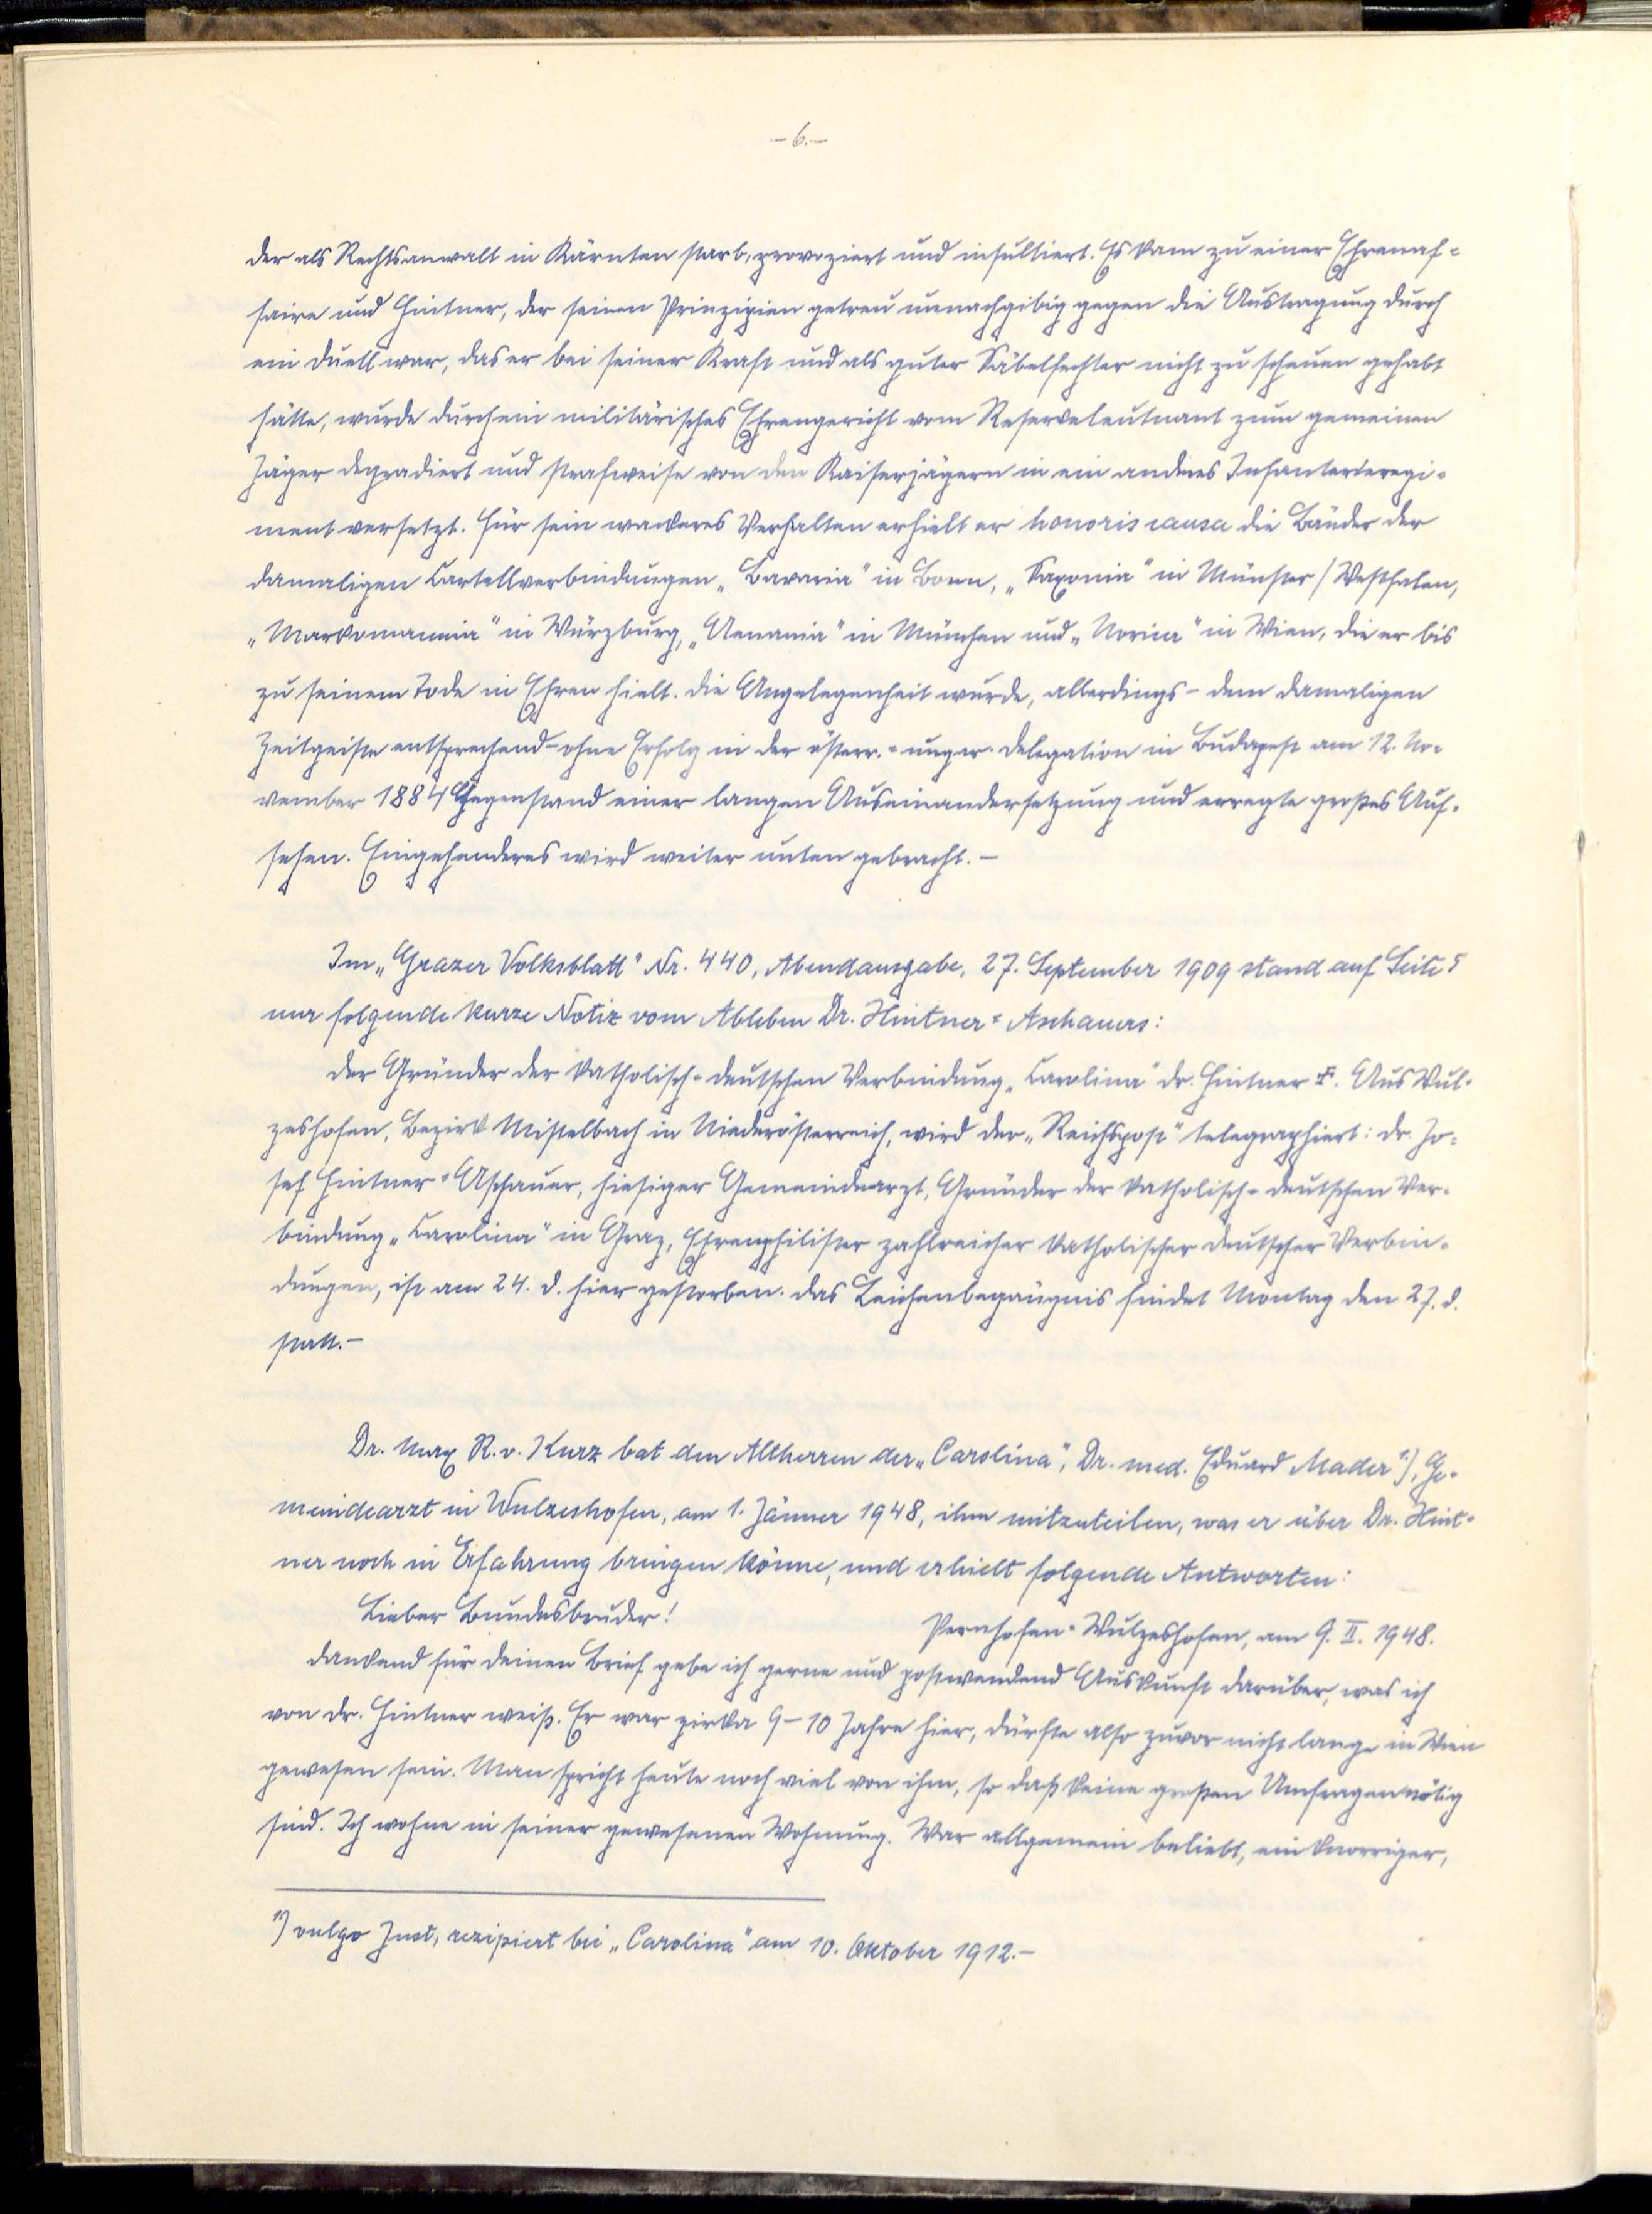6.
der als Rechtsanwalt in Kärnten starb, provoziert und insultiert. Es kam zu einer Ehrenaf-
faire und Hintner, der seinen Prinzipien getreu unnachgibig gegen die Austragung durch
ein Duell war, das er bei seiner Kraft und als guter Säbelfechter nicht zu scheuen gehabt
hätte, wurde durch ein militärisches Ehrengericht vom Reserveleutnant zum gemeinen
Jäger degradiert und strafweise von den Kaiserjägern in ein anderes Infanterieregi-
ment versetzt. Für sein wackeres Verhalten erhielt er honoris causa die Bänder der
damaligen Cartellverbindungen "Bavaria" in Bonn, "Saxonia" in Münster / Westfalen,
"Markomannia" in Würzburg, "Aenania" in München und "Norica" in Wien, die er bis
zu seinem Tode in Ehren hielt. Die Angelegenheit wurde, allerdings- dem damaligen
Zeitgeiste entsprechend- ohne Erdolg in der österr.-ungar. Delegation in Budapest am 12. No-
vember 1884 Gegenstand einer langen Auseinandersetzung und erregte großes Auf-
sehen. Eingehenderes wird weiter unten gebracht.
Im "Grazer Volksblatt" Nr. 440, Abendausgabe, 27. September 1909 stand auf Seite 5
nur folgende kurze Notiz vom Ableben Dr. Hintner-Aschauers:
Der Gründer der katholisch-deutschen Verbindung "Carolina" Dr. Hintner F. Aus Wul-
zeshofen, Bezirk Mistelberg in Niederösterreich, wird der "Reichspost" telegraphiert: Dr. Jo-
sef Hintner-Aschauer, hiesiger Gemeindearzt, Gründer der katholisch-deutschen Ver-
bindung "Carolina" in Graz, Ehrenphilister zahlreicher katholischer deutscher Verbin-
dungen, ist am 24. 9. hier. gestorben. Das Leichenbegräbnis findet Montag den 17.9.
statt.
Dr. Max R. v. Kurz bat den Altherren der "Carolina", Dr. med. Eduard Mader 1.), Ge-
meindeazt in Wulzeshofen, am 1. Jänner 1948, ihm mitzuteilen, was er über Dr. Hint-
ner noch in Erfahrung bringen könne, und erhielt folgende Antworten:
Lieber Bundesbruder!
Pernhofen-Wulzeshofen, am 9.2.1948
Dankend für deinen Brief gebe ich gern und postwendend Auskunft darüber, was ich
von Dr. Hintner weiß. Er war zirka 9-10 Jahre hier, dürfte also zuvor nicht lang in Wien
gewesen sein.Man spricht heute noch viel von ihm, so daß keine großen Umfragen nötig
sind. Ich wohne in seiner gewesenen Wohnung. War allgemein beliebt, ein knorriger,
1.) vulgo Just rezipiert bei "Carolina" am 10. Oktober 1912.-